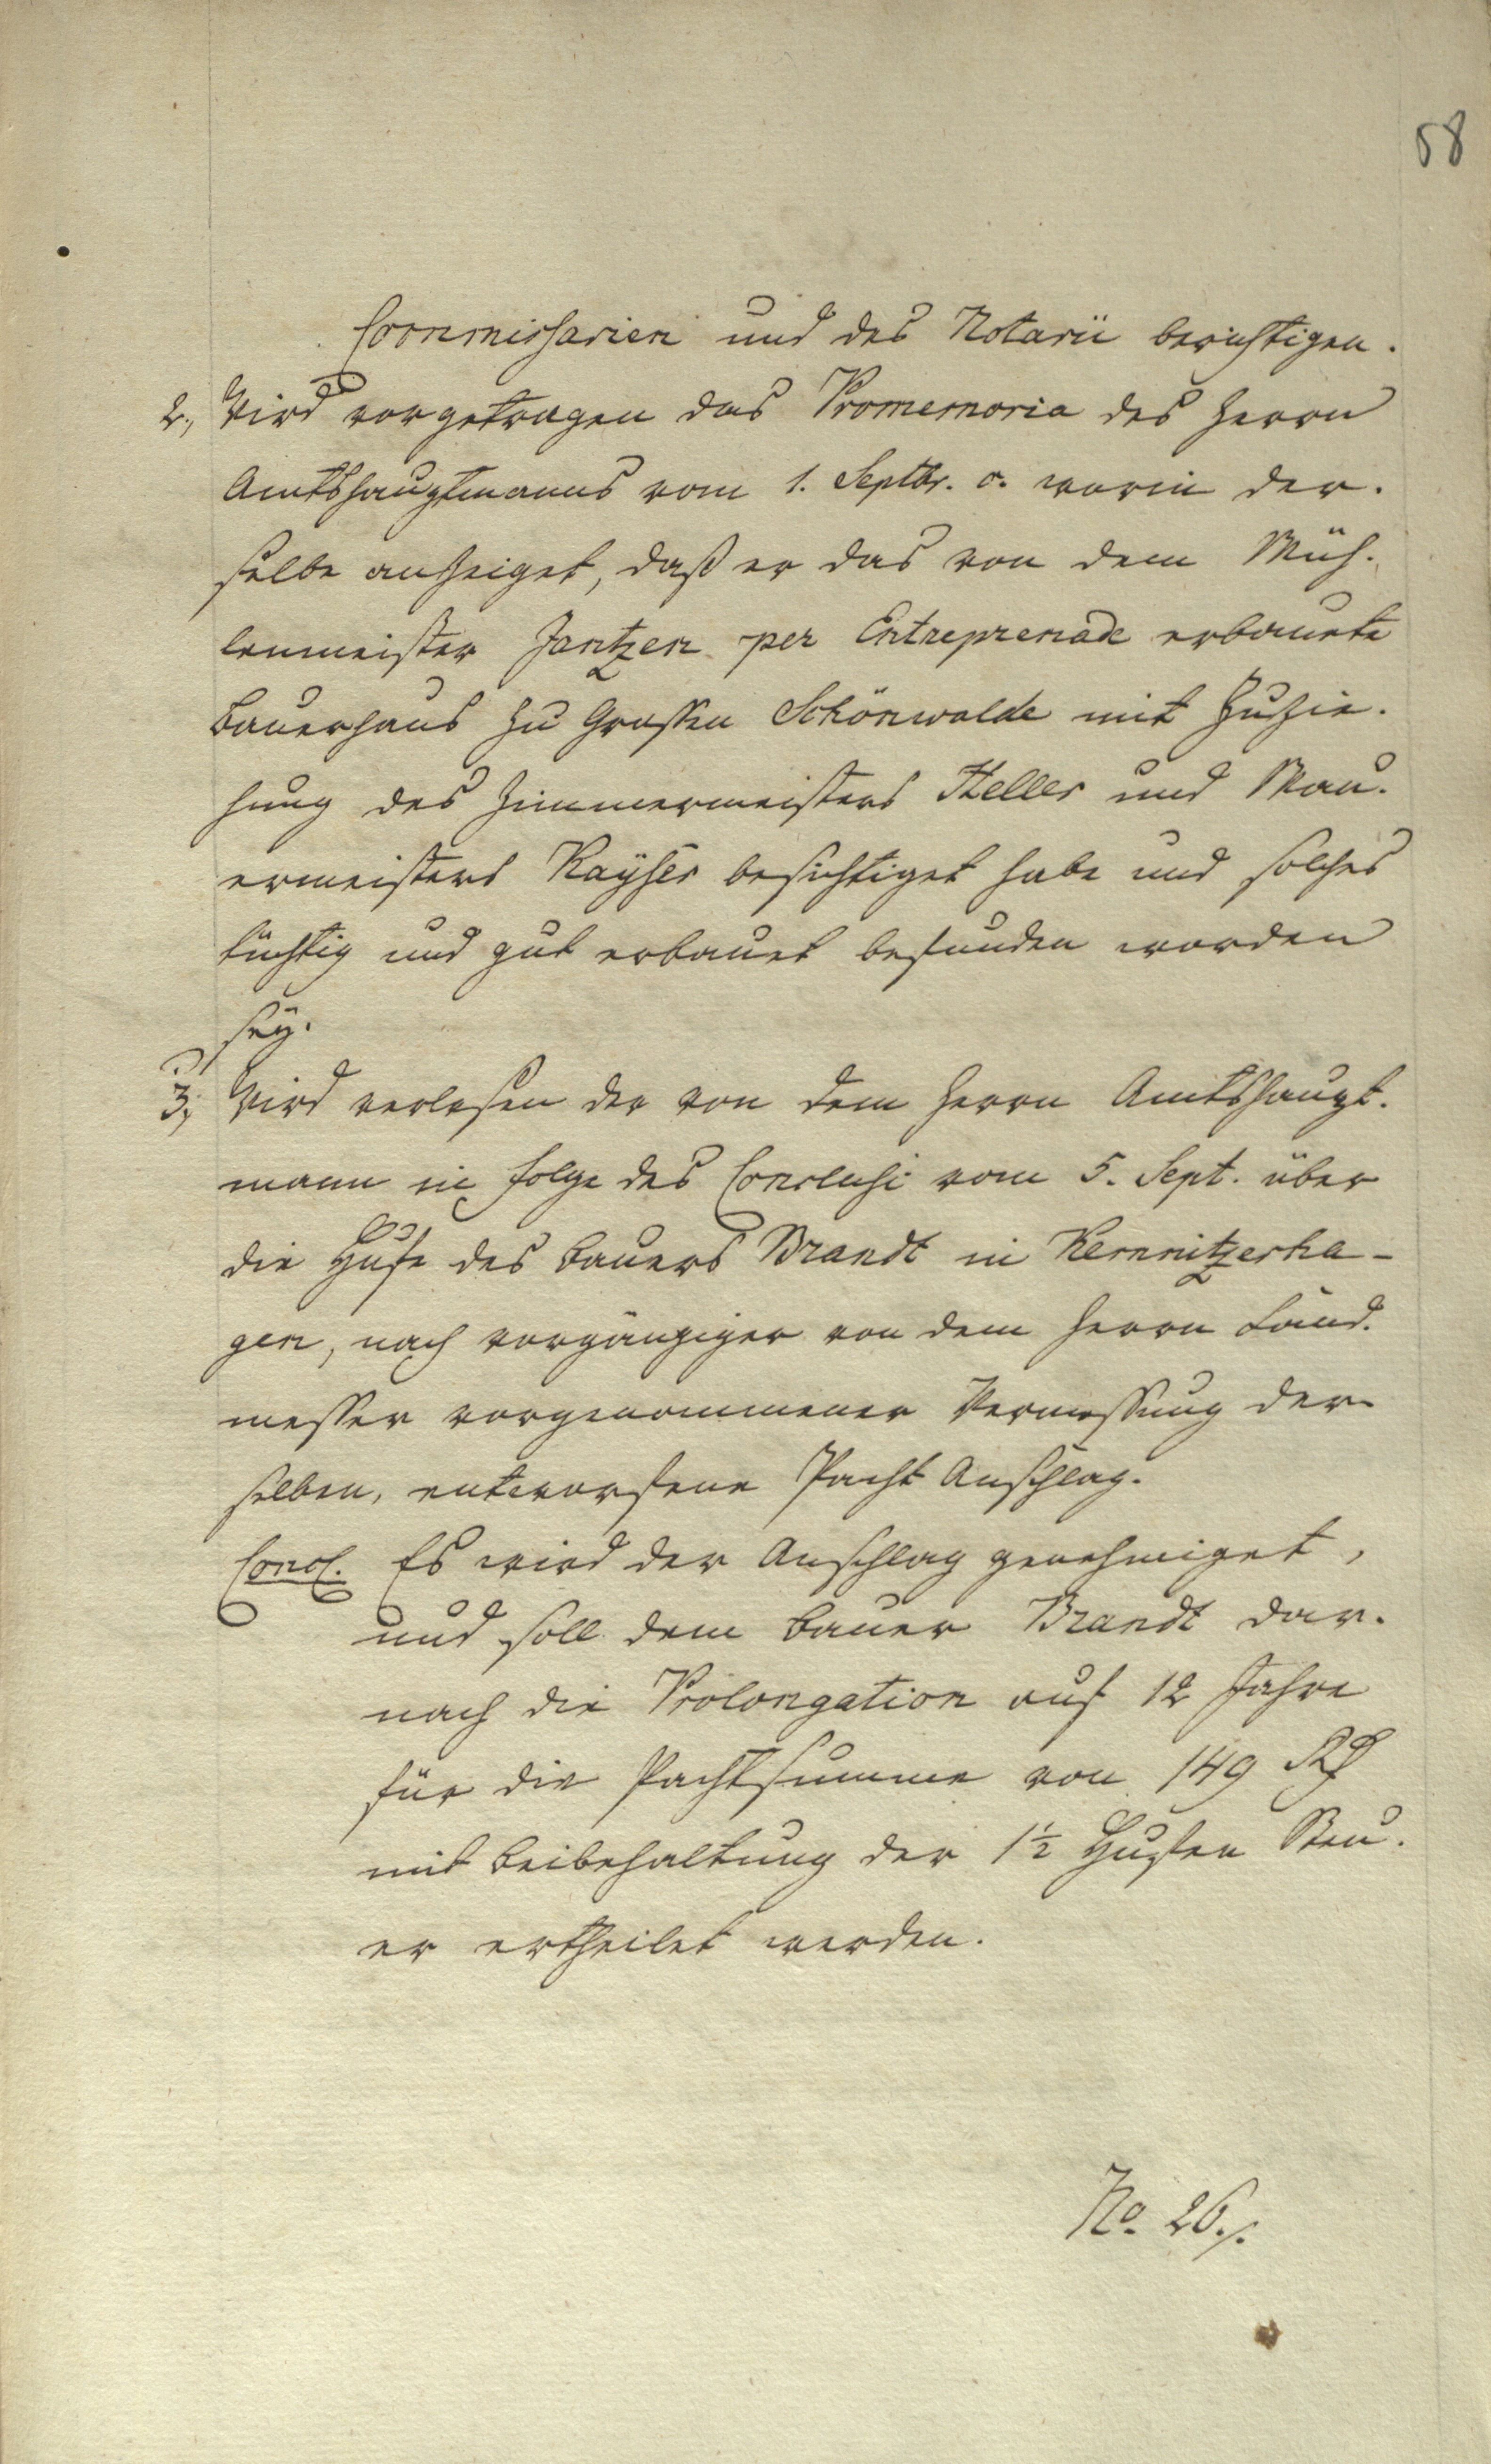Commissarien und des Notarii berichtigen.
2., Wird vorgetragen das Promemoria des Herrn
Amtshauptmanns vom 1. Septbr. c. worin der¬
selbe anzeiget, daß er das von dem Müh¬
lenmeister Jantzen per Entreprenade erbauete
Bauerhaus zu Grossen Schönwalde mit Zuzie¬
hung des Zimmermeisters Heller und Mau¬
ermeisters Kaÿser besichtiget habe und solches
tüchtig und gut erbauet befunden worden
seÿ.
3. Wird verlesen der von dem Herrn Amtshaupt¬
mann in Folge des Conclusi vom 5. Sept. über
die Hufe des Bauers Brandt in Kemnitzerha¬
gen, nach vorgängiger von dem Herrn Land¬
messer vorgenommener Vermessung der¬
selben, entworfene Pacht Anschlag.
Concl. Es wird der Anschlag genehmiget,
und soll dem Bauer Brand dar¬
nach die Prolongation auf 12 Jahre
für die Pachtsumme von 149 Rf
mit Beibehaltung der 1½ Hufen Steu¬
er ertheilet werden.
No 26.